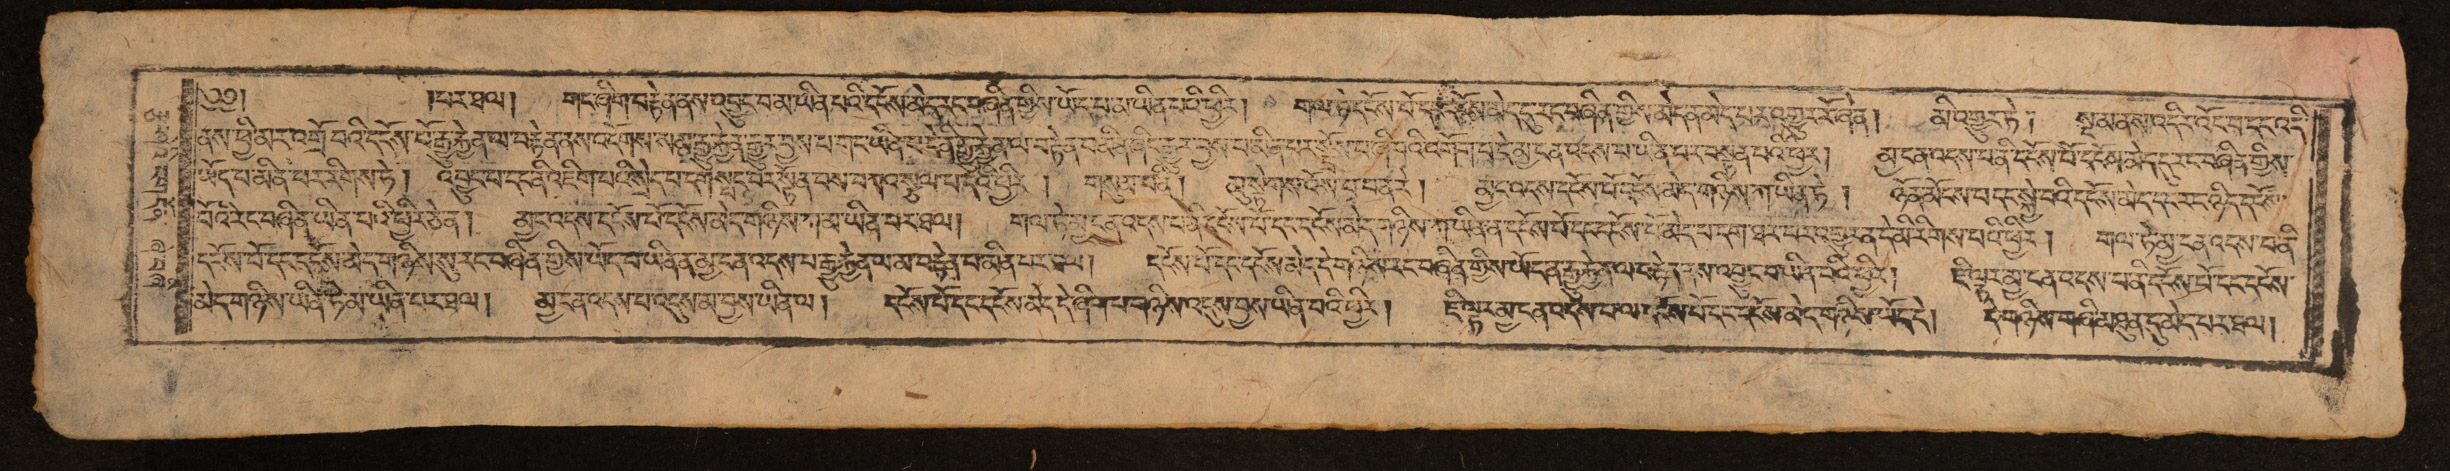༄༅། །པར་ཐལ། གང་ཞིག་བརྟེན་ནས་འབྱུང་བ་མ་ཡིན་པའི་དངོས་མེད་རང་བཞིན་གྱིས་ཡོད་པ་མ་ཡིན་པའི་ཕྱིར། གལ་ཏེ་དངོས་པོ་དང་དངོས་མེད་དུ་རང་བཞིན་གྱིས་མེད་ན་མེད་པར་འགྱུར་རོ་ཞེ་ན། མི་འགྱུར་ཏེ། སྔ་མ་ནས་འདིར་འོང་བ་དང་འདི་
ནས་ཕྱི་མར་འགྲོ་བའི་དངོས་པོ་རྒྱུ་རྐྱེན་ལ་བརྟེན་ནས་འདོགས་སམ་རྒྱུ་རྐྱེན་རྒྱུར་བྱས་པ་གང་ཡིན་པ་དེ་ནི་རྒྱུ་རྐྱེན་ལ་བརྟེན་པ་མིན་ཞིང་རྒྱུར་བྱས་པ་མིན་པར་སྤྲོས་པ་ཞི་བའི་འགོག་པ་དེ་མྱ་ངན་འདས་པ་ཡིན་པར་བསྟན་པའི་ཕྱིར། མྱ་ངན་འདས་པ་ནི་དངོས་པོ་དངོས་མེད་དུ་རང་བཞིན་གྱིས་
ཡོད་པ་མིན་པར་རིགས་ཏེ། འབྱུང་པ་དང་ནི་འཇིག་པའི་སྲེད་པ་དག་སྤང་བར་སྟོན་པས་བཀའ་སྩལ་པ་དེའི་ཕྱིར། གསུམ་པ་ནི། མུ་སྟེགས་འོས་པ་པ་ན་རེ། མྱང་འདས་དངོས་པོ་དངོས་མེད་གཉིས་ཀ་ཡིན་ཏེ། ཉོན་མོངས་པ་དང་སྐྱེ་བའི་དངོས་མེད་དང་རང་ཉིད་དངོས་
པོའི་རང་བཞིན་ཡིན་པའི་ཕྱིར་ཅེ་ན། མྱང་འདས་དངོས་པོ་དངོས་མེད་གཉིས་ཀ་མ་ཡིན་པར་ཐལ། གལ་ཏེ་མྱ་ངན་འདས་པ་ནི་དངོས་པོ་དང་དངོས་མེད་གཉིས་ཀ་ཡིན་ན་དངོས་པོ་དང་དངོས་པོ་མེད་པ་དག་ཐར་པར་འགྱུར་ན་དེ་མི་རིགས་པའི་ཕྱིར། གལ་ཏེ་མྱ་ངན་འདས་པ་ནི་
དངོས་པོ་དང་དངོས་མེད་གཉིས་སུ་རང་བཞིན་གྱིས་ཡོད་པ་ཡིན་ན་མྱ་ངན་འདས་པ་རྒྱུ་རྐྱེན་ལ་མ་བརྟེན་པ་མིན་པར་ཐལ། དངོས་པོ་དང་དངོས་མེད་དེ་གཉིས་རང་བཞིན་གྱིས་ཡོད་ན་རྒྱུ་རྐྱེན་ལ་བརྟེན་ནས་འབྱུང་བ་ཡིན་པའི་ཕྱིར། ཇི་ལྟར་མྱ་ངན་འདས་པ་ནི་དངོས་པོ་དང་དངོས་
མེད་གཉིས་ཡིན་ཏེ་མ་ཡིན་པར་ཐལ། མྱ་ངན་འདས་པ་འདུས་མ་བྱས་ཡིན་ལ། དངོས་པོ་དང་དངོས་མེད་དེ་ཞིག་པ་གཉིས་འདུས་བྱས་ཡིན་པའི་ཕྱིར། ཇི་ལྟར་མྱ་ངན་འདས་པ་ལ་དངོས་པོ་དང་དངོས་མེད་གཉིས་ཡོད་དེ། དེ་གཉིས་གཞི་མཐུན་དུ་མེད་པར་ཐལ།